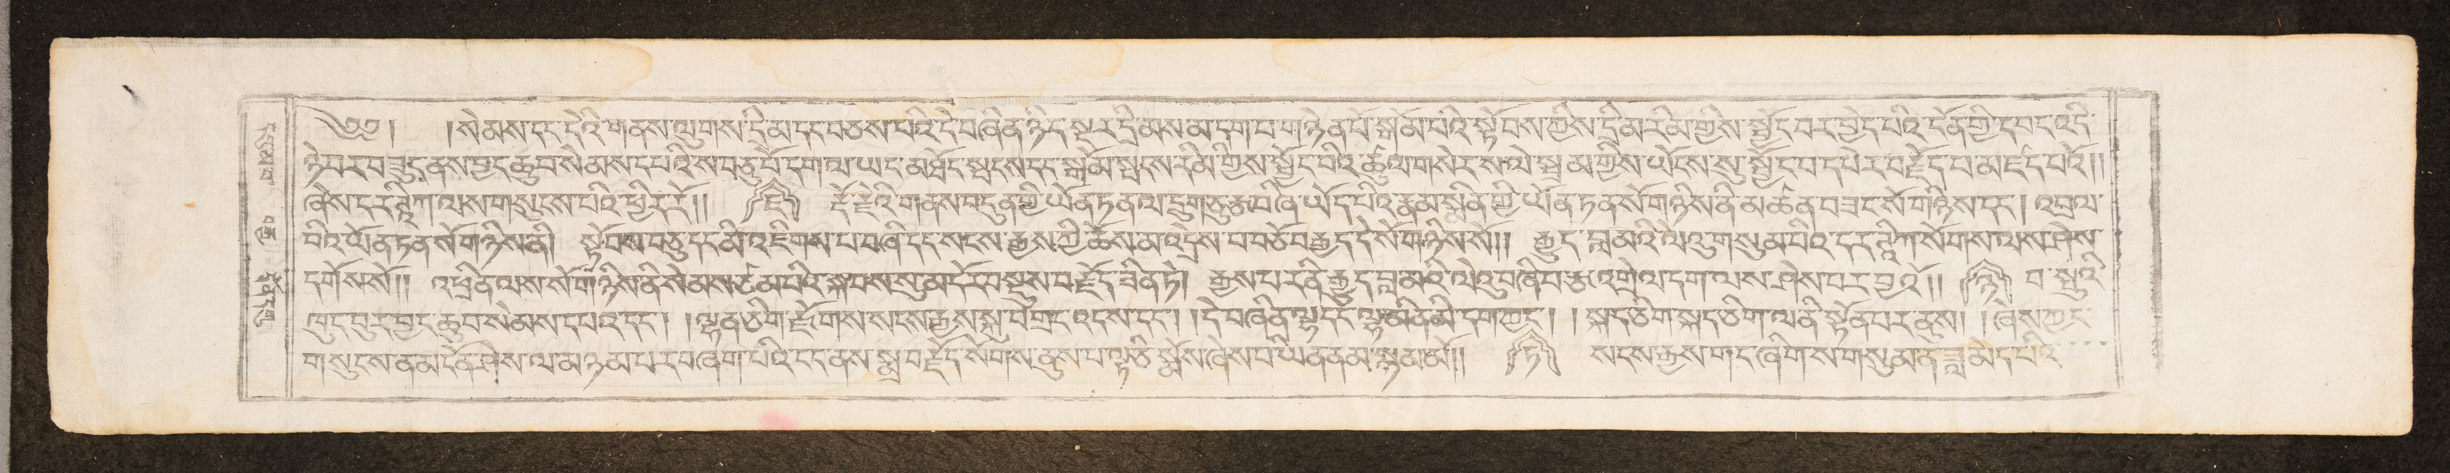༄༅། །སེམས་དང་དེའི་གནས་ལུགས་དྲི་མ་དང་བཅས་པའི་དེ་བཞིན་ཉིད་སྔར་དྲི་མས་མ་དག་པ་གཉེན་པོ་སྒོམ་པའི་སྟོབས་ཀྱིས་དྲི་མ་རིམ་གྱིས་སྦྱོང་བར་བྱེད་པའི་དོན་གྱི་དབང་འདི་
ཉེ་བར་བཟུང་ནས་བྱང་ཆུབ་སེམས་དཔའི་ས་བཅུ་པོ་དག་ལ་ཡང་མཐོང་སྤངས་དང་སྒོམ་སྤངས་རིམ་གྱིས་སྦྱོང་བའི་ཚུལ་གསེར་ས་ལེ་སྦྲམ་གྱིས་ཡོངས་སུ་སྦྱོང་བ་དཔེར་བརྗོད་པ་མཛད་པའོ།།
ཞེས་དར་ཊཱིཀ་ལས་གསུངས་པའི་ཕྱིར་རོ།། ༼༽ཇ༼༽ རྡོ་རྗེའི་གནས་བདུན་གྱི་ཡོན་ཏན་ལ་དྲུག་ཅུ་རྩ་བཞི་ཡོད་པའི་རྣམ་སྨིན་གྱི་ཡོན་ཏན་སོ་གཉིས་ནི་མཚན་བཟང་སོ་གཉིས་དང་། འབྲལ་
བའི་ཡོན་ཏན་སོ་གཉིས་ནི། སྟོབས་བཅུ་དང་མི་འཇིགས་པ་བཞི་དང་སངས་རྒྱས་ཀྱི་ཆོས་མ་འདྲིས་པ་བཅོ་བརྒྱད་དེ་སོ་གཉིས་སོ། །རྒྱུད་བླ་མའི་ལེའུ་གསུམ་པའི་དར་ཊཱིཀ་སོགས་ལས་ཤེས་
དགོས་སོ།། འཕྲིན་ལས་སོ་གཉིས་ནི་སེམས་ཙམ་པའི་སྐབས་སུ་མདོར་བསྡུས་བརྗོད་ཟིན་ཏེ། རྒྱས་པར་ནི་རྒྱུད་བླ་མའི་ལེའུ་བཞི་པ་རྩ་འགྲེལ་དག་ལས་ཤེས་པར་བྱའོ།། ༼༽ཉ༼༽ བ་སྦུའི་
ཁུང་བུར་བྱང་ཆུབ་སེམས་དཔའ་དང་། །ལྷན་ཅིག་རྫོགས་སངས་རྒྱས་སྐུ་བགྲང་འདས་དང་། དེ་བཞིན་ལྷ་དང་ལྷ་མིན་མི་དག་ཀྱང་། །སྐད་ཅིག་སྐད་ཅིག་ལ་ནི་སྟོན་པར་ནུས། །ཞེས་ཀྱང་གསུངས་
ན་མངོན་ཤེས་ལ་མཉམ་པར་བཞག་པའི་ངང་ནས་སྨྲ་བརྗོད་སོགས་ནུས་པ་ལྟ་ཅི་སྨོས་ཞེས་པ་ཡིན་ནམ་སྙམ་མོ།། ༼༽ཏ༼༽ སངས་རྒྱས་གང་ཞིག་གསུམ་ན་ཟླ་མེད་པའི་